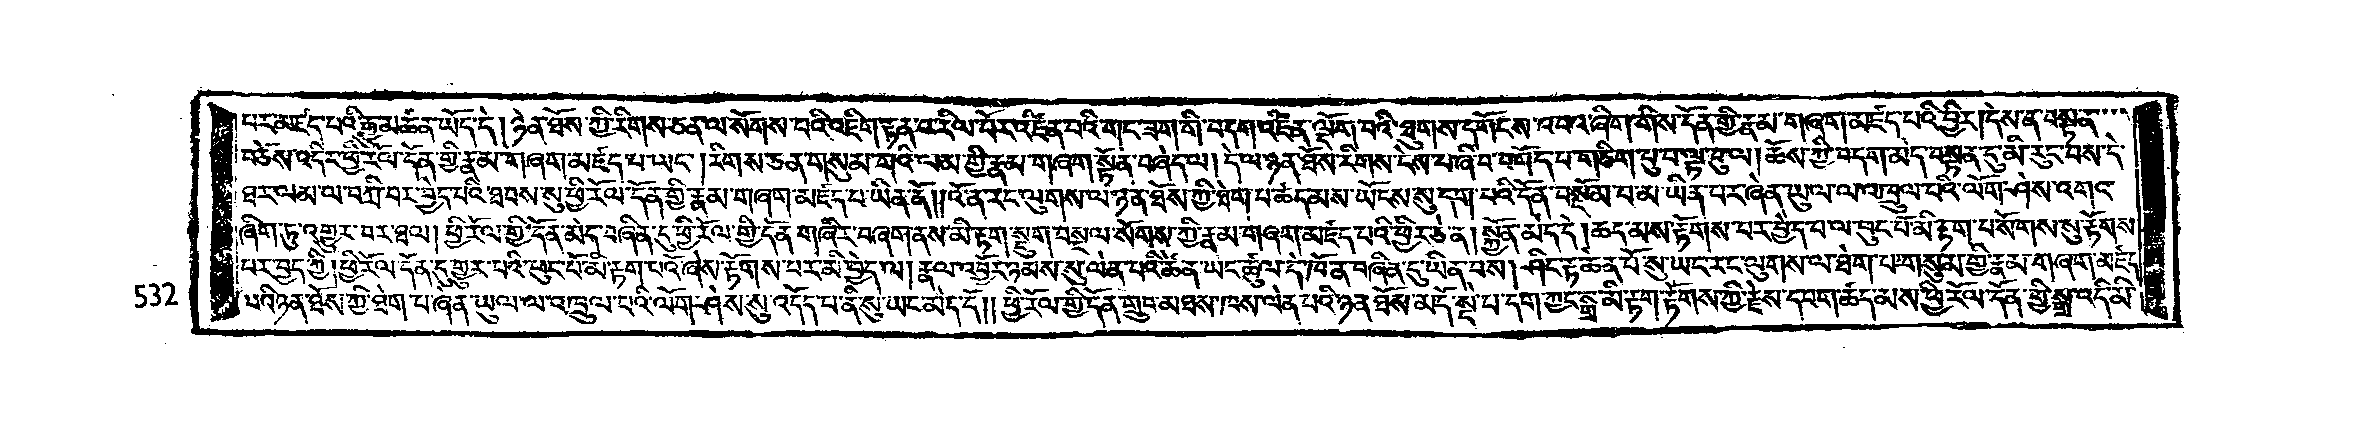པར་མཛད་པའི་རྒྱུ་མཚན་ཡོད་དེ། ཉན་ཐོས་ཀྱི་རིགས་ཅན་ལ་སོགས་པའི་འཇིག་རྟེན་པ་རིལ་པེར་?་འཛིན་པའི་གང་ཟག་གི་བདག་འཛིན་ལྡོག་པའི་ཐུགས་དགོངས་འབའ་ཞིག་གིས་དོན་གྱི་རྣམ་གཞག་མཛད་པའི་ཕྱིར། དེས་ན་བསྟན་
བཅོས་འདིར་ཕྱི་རོལ་དོན་གྱི་རྣམ་གཞག་མཛད་པ་ཡང་། རིགས་ཅན་གསུམ་གའི་ལམ་གྱི་རྣམ་གཞག་སྟོན་བཞེད་ལ། དེ་ལ་ཉན་ཐོས་རིགས་ངེས་པ་ཞི་བ་བགོད་པ་གཅིག་པུ་བ་ལྟ་བུ་ལ། ཆོས་ཀྱི་བདག་མེད་བསྟན་དུ་མི་རུང་བས་དེ་
ཐར་ལམ་ལ་བཀྲི་བར་བྱེད་པའི་ཐབས་སུ་ཕྱི་རོལ་དོན་གྱི་རྣམ་གཞག་མཛད་པ་ཡིན་ནོ། །འོ་ན་རང་ལུགས་ལ་ཉན་ཐོས་ཀྱི་ཐེག་པ་ཚད་མས་ཡོངས་སུ་དག་པའི་དོན་བསྡོམ་པ་མ་ཡིན་པར་ཞེན་ཡུལ་ལ་འཁྲུལ་པའི་ལོག་ཤེས་འགའ་
ཞིག་ཏུ་འགྱུར་བར་ཐལ། ཕྱི་རོལ་གྱི་དོན་མེད་བཞིན་དུ་ཕྱི་རོལ་གྱི་དོན་གཞིར་བཞག་ནས་མི་རྟག་སྡུག་བསྔལ་སོགས་ཀྱི་རྣམ་གཞག་མཛད་པའི་ཕྱིར་ཅེ་ན། སྐྱོན་མེད་དེ། ཚད་མས་རྟོགས་པར་བྱེད་པ་ལ་ཕུང་པོ་མི་རྟག་པ་སོགས་སུ་རྟོགས་
པར་བྱེད་ཀྱི། ཕྱི་རོལ་དོན་དུ་གྱུར་པའི་ཕུང་པོ་མི་རྟག་པའོ་ཞེས་རྟོགས་པར་མི་བྱེད་ལ། རྣལ་འབྱོར་ཉམས་སུ་ལེན་པའི་ཚེ་ན་ཡང་ཚུལ་དེ་ཁོ་ན་བཞིན་དུ་ཡིན་པས། ཤིང་རྟ་ཆེན་པོ་སུ་ཡང་རང་ལུགས་ལ་ཐེག་པ་གསུམ་གྱི་རྣམ་གཞག་མཛད་
པའི་ཉན་ཐོས་ཀྱི་ཐེག་པ་ཞེན་ཡུལ་ལ་འཁྲུལ་པའི་ལོག་ཤེས་སུ་འདོད་པ་ནི་སུ་ཡང་མེད་དོ། །ཕྱི་རོལ་གྱི་དོན་གྲུབ་མཐས་ཁས་ལེན་པའི་ཉན་ཐོས་མདོ་སྡེ་པ་དག་ཀྱང་སྒྲ་མི་རྟག་རྟོགས་ཀྱི་རྗེས་དཔག་ཚད་མས་ཕྱི་རོལ་དོན་གྱི་སྒྲ་འདི་མི་